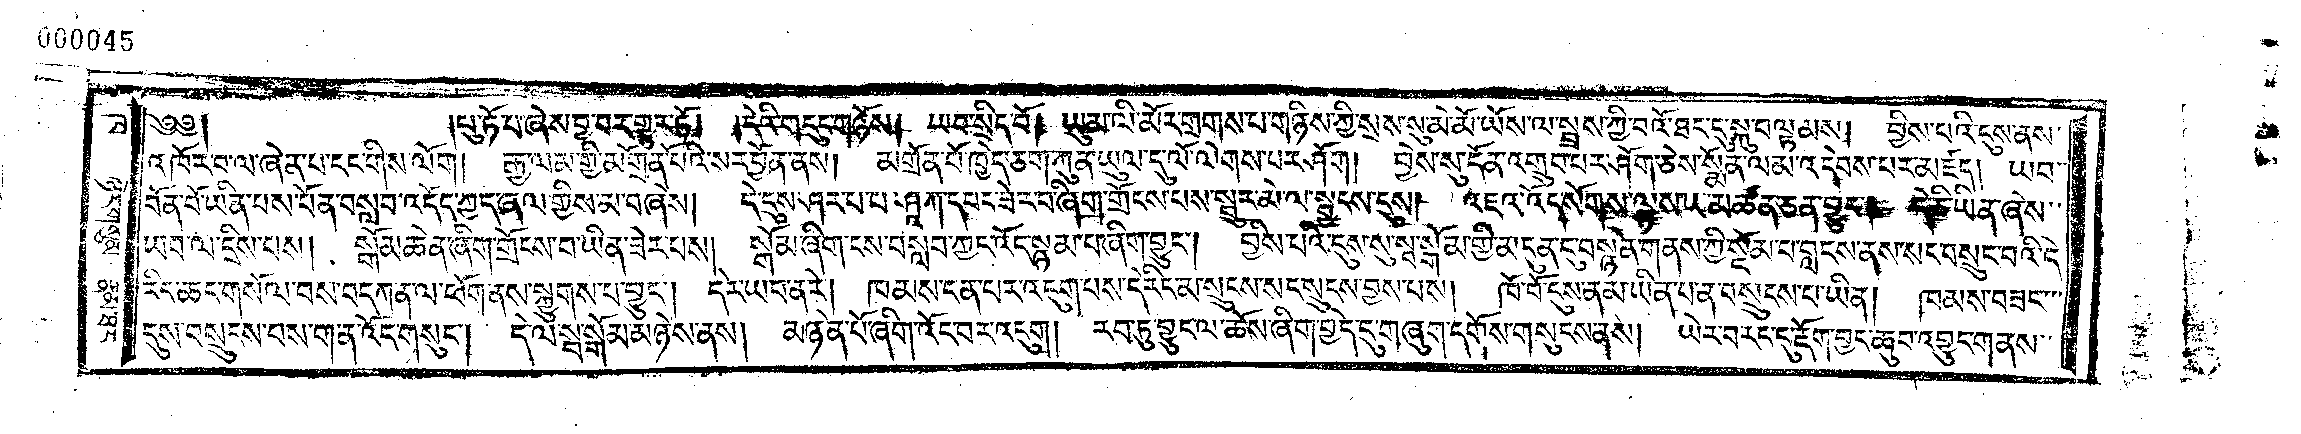༄༅། །པུ་ཏོ་པ་ཞེས་བྱ་བར་གྱུར་ཏོ། །དེའི་གདུང་གཉོས། ཡབ་སྲིད་པོ། ཡུམ་ལི་མོར་གྲགས་པ་གཉིས་ཀྱི་སྲས་སུ་མེ་མོ་ཡོས་ལ་སྤྲས་ཀྱི་བའོ་ཐང་དུ་སྐུ་བལྟམས། བྱིས་པའི་དུས་ནས་
འཁོར་བ་ལ་ཞེན་པ་དད་གིས་ལོག། རྒྱ་ལམ་གྱི་མགྲོན་པོའི་སར་བྱོན་ནས། མགྲོན་པོ་ཁྱེད་ཅག་ཀུན་ཡུལ་དུ་ལོ་ལེགས་པར་ཤོག། བྱེས་སུ་དོན་འགྲུབ་པར་ཤོག་ཅེས་སྨོན་ལམ་འདེབས་པར་མཛད། ཡབ་
བོན་པོ་ཡིན་པས་བོན་བསླབ་འདོད་ཀྱང་ཞལ་གྱིས་མ་བཞེས། དེ་དུས་ཤར་པ་པ་ཤཱཀ་དབང་ཟེར་བ་ཞིག་གྲོངས་པས་སྤུར་མེ་ལ་སྦྱངས་དུས། འཇའ་འོད་སོགས་ལྟས་ཡ་མཚན་ཅན་བྱུང་། དེ་ཅི་ཡིན་ཞེས་
ཡབ་ལ་དྲིས་པས། སྒོམ་ཆེན་ཞིག་གྲོངས་བ་ཡིན་ཟེར་བས། སྒོམ་ཞིག་ངས་བསླབ་ཀྱང་འོང་སྙམ་པ་ཞིག་བྱུང་། བྱིས་པའི་དུས་སུ་སྦ་སྒོམ་གྱི་མདུན་དུ་བསྙེན་གནས་ཀྱི་སྡོམ་པ་བླངས་ནས་སང་བསྲུང་བའི་དེ་
རིང་ཆང་གསོལ་བས་བད་ཀན་ལ་ཕོག་ནས་སྐྱུགས་པ་བྱུང་། དེར་ཡབ་ན་རེ། ཁམས་ངན་པར་འདུག་པས་དེ་རིང་མ་སྲུངས་སང་སྲུངས་བྱས་པས། ཁོ་བོ་དུས་ནམ་ཡིན་པ་ན་བསྲུངས་པ་ཡིན། ཁམས་བཟང་
དུས་བསྲུངས་པས་ག་ན་འོད་གསུང་། དེ་ལ་སྦ་སྒོམ་མཉེས་ནས། མཉེན་པོ་ཞིག་འོང་བར་འདུག། རབ་ཏུ་བྱུང་ལ་ཆོས་ཞིག་བྱེད་དུ་གཞུག་དོགས་གསུངས་ནས། ཡེར་བ་རང་དུ་རྡོག་བྱང་ཆུབ་འབྱུང་གནས་